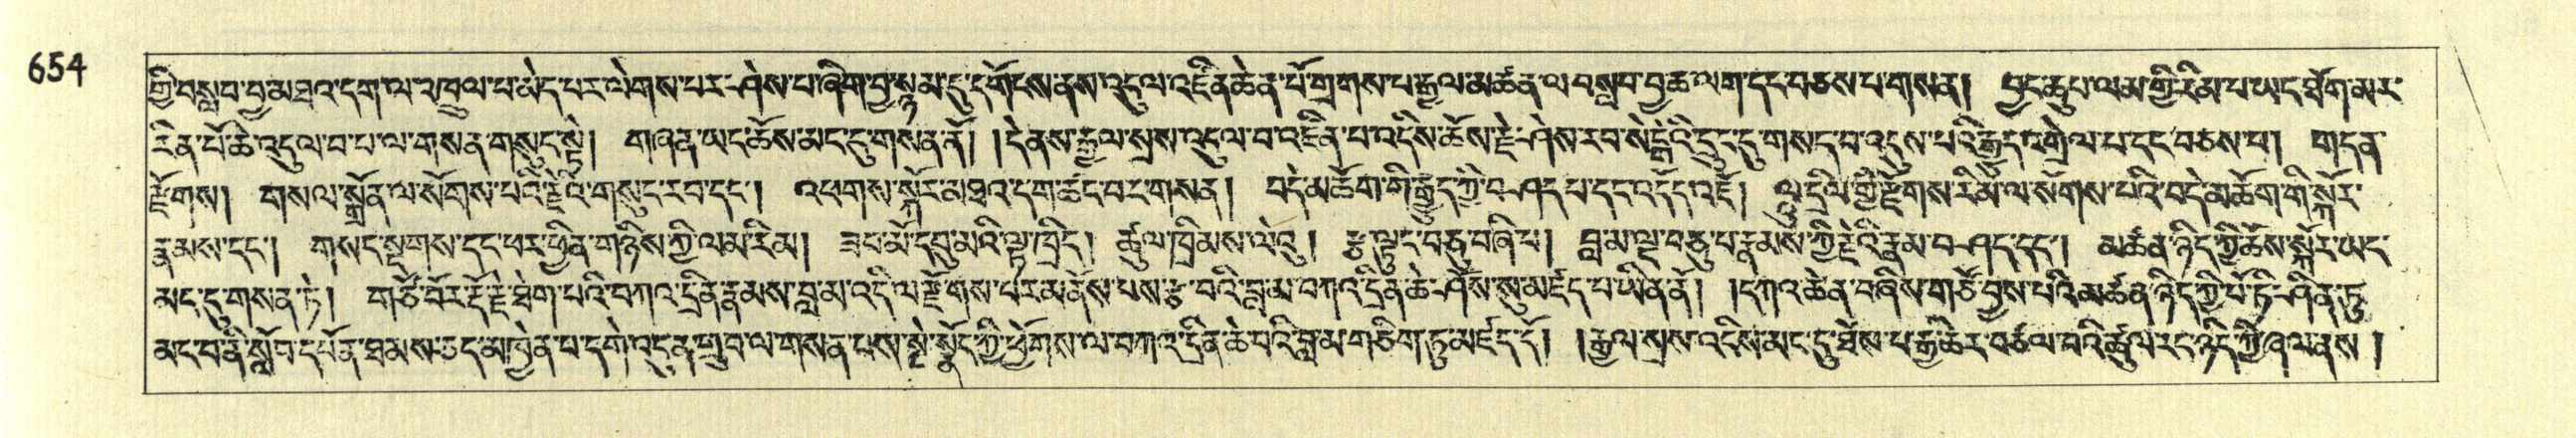གྱི་བསླབ་བྱ་མཐའ་དག་ལ་འཁྲུལ་པ་མེད་པར་ལེགས་པར་ཤེས་པ་ཞིག་བྱ་སྙམ་དུ་དགོངས་ནས་འདུལ་འཛིན་ཆེན་པོ་གྲགས་པ་རྒྱལ་མཚན་ལ་བསླབ་བྱ་ཆ་ལག་དང་བཅས་པ་གསན། བྱང་ཆུབ་ལམ་གྱི་རིམ་པ་ཡང་ཐོག་མར་
རིན་པོ་ཆེ་འདུལ་བ་པ་ལ་གསན་གསུང་སྟེ། གཞན་ཡང་ཆོས་མང་དུ་གསན་ནོ། །དེ་ནས་རྒྱལ་སྲས་འདུལ་བ་འཛིན་པ་འདིས་ཆོས་རྗེ་ཤེས་རབ་སེངྒེའི་དྲུང་དུ་གསད་བ་འདུས་པའི་རྒྱུད་འགྲེལ་པ་དང་བཅས་པ། གདན་
རྫོགས། གསལ་སྒྲོན་ལ་སོགས་པའི་རྗེའི་གསུང་རབ་དང་། འཕགས་སྐོར་མཐའ་དག་ཚང་བར་གསན། བདེ་མཆོག་གི་རྒྱུད་ཀྱི་བཤད་པ་དང་འདོད་འཇོ། ལཱུ་དྲིལ་གྱི་རྫོགས་རིམ་ལ་སོགས་པའི་བདེ་མཆོག་གི་སྐོར་
རྣམས་དང་། གསང་སྔགས་དང་ཕར་ཕྱིན་གཉིས་ཀྱི་ལམ་རིམ། ཟབ་མོ་དབུ་མའི་ལྟ་ཁྲིད། ཚུལ་ཁྲིམས་ལེའུ། རྩ་ལྟུང་བཅུ་བཞི་པ། བླ་མ་ལྔ་བཅུ་པ་རྣམས་ཀྱི་རྗེའི་རྣམ་བསཧད་དང་། མཚན་ཉིད་ཀྱི་ཆོས་སྐོར་ཡང་
མང་དུ་གསན་ཏེ། གཙོ་བོར་རྡོ་རྗེ་ཏེཧག་པའི་བཀའ་དྲིན་རྣམས་བླ་མ་འདི་ལ་རྫོགས་པར་མནོས་པས་རྩ་བའ་ཨིབལ་མ་བཀའ་དྲིན་ཆེ་ཤོས་སུ་མཛད་པ་ཡིན་ནོ། །དཀའ་ཆེན་བཞིས་གཙོ་བྱས་པའི་མཚན་ཉིད་ཀྱི་པོ་ཏི་ཤིན་ཏུ་
མང་བ་ནི་སློབ་དཔོན་ཐམས་ཅད་མཁྱེན་པ་དགེ་འདུན་གྲུབ་ལ་གསན་པས་སྔེ་སྣོད་ཀྱི་ཕྱོགས་ལ་བཀའ་དྲིན་ཆེ་བའི་བླ་མ་གཅིག་ཏུ་མཛད་དོ། །རྒྱལ་སྲས་འདིས་མང་དུ་ཐོས་པ་རྒྱ་ཆེར་བཙལ་བའི་ཚུལ་རང་ཉིད་ཀྱི་ཞལ་ནས།